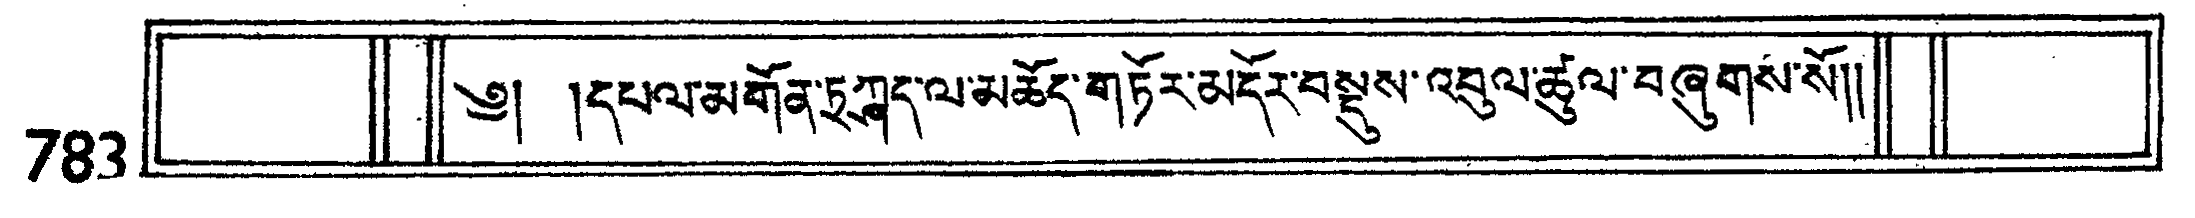༄༅། །དཔལ་མགོན་ཏྲཀྴད་ལ་མཆོད་གཏོར་མདོར་བསྡུས་འབུལ་ཚུལ་བཞུགས་སོ། །